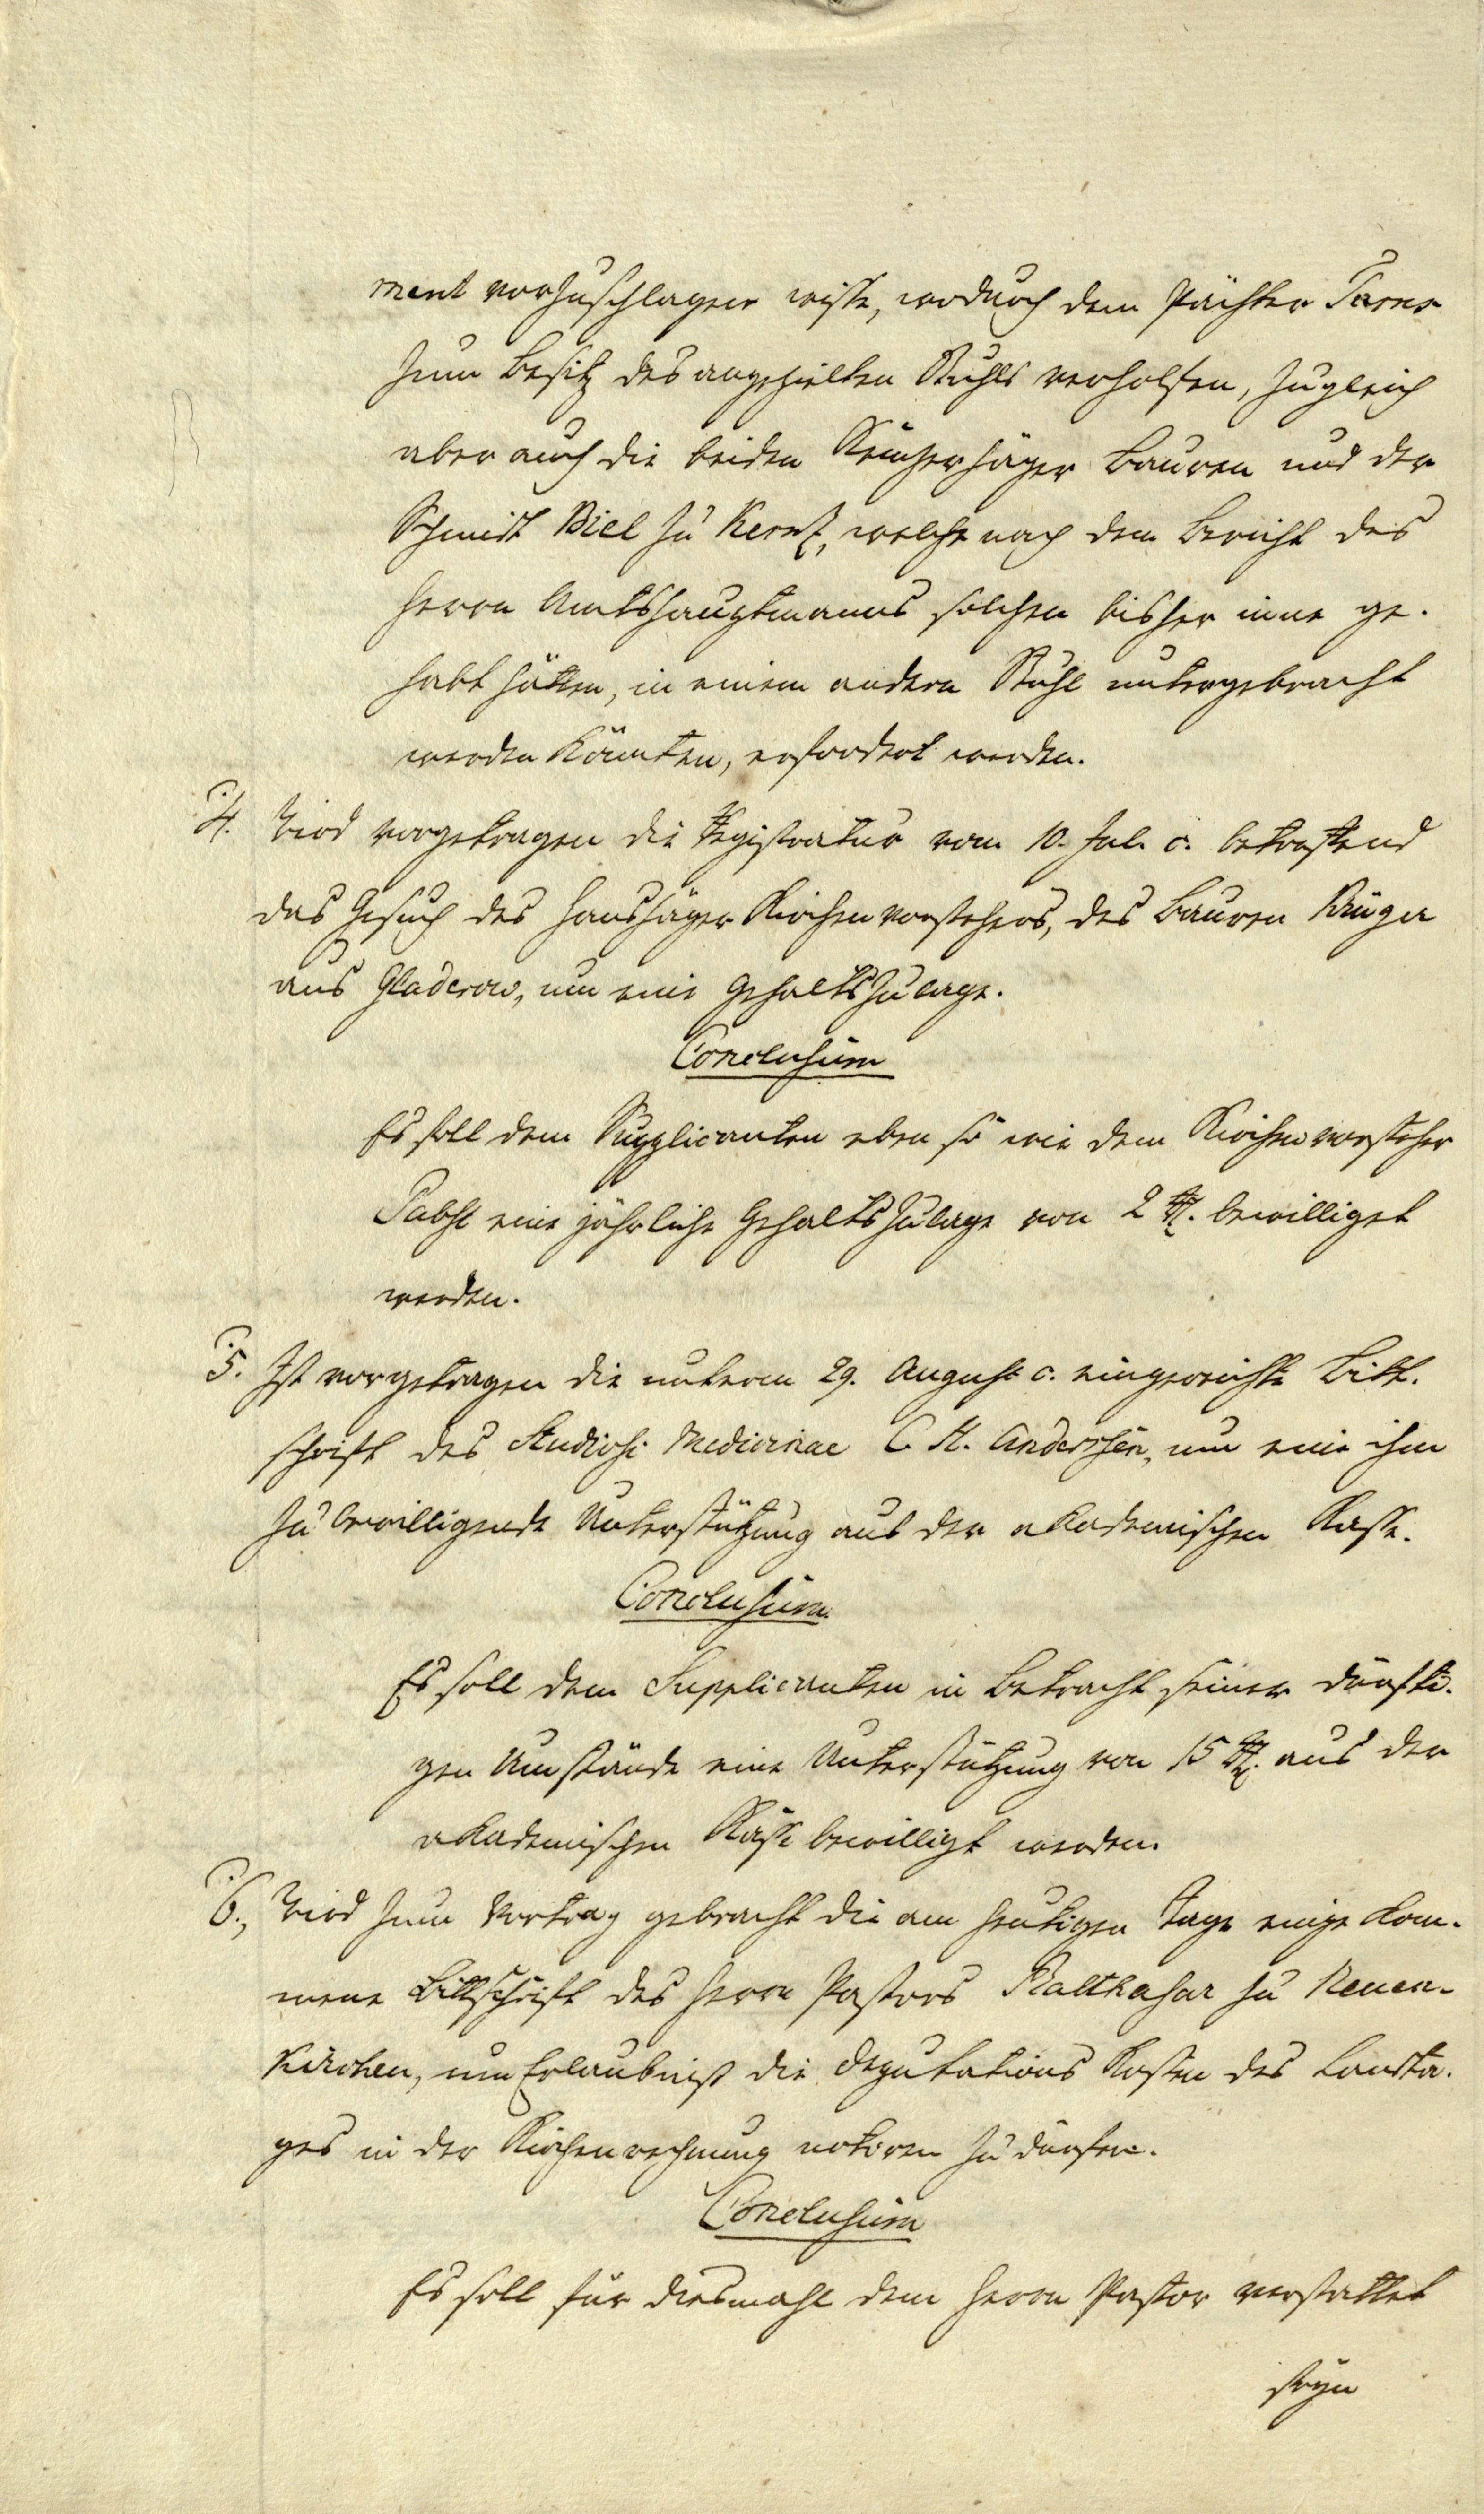ment vorzuschlagen wisse, wodurch dem Pächter Tams
zum Besitz des angezielten Stuhls verholfen, zugleich
aber auch die beiden Kemzerhäger Bauren und der
Schmidt Biel zu Kemz, welche nach dem Bericht des
herrn Amtshauptmanns solchen bisher inne ge¬
habt hätten, in einem anderen Stuhl untergebracht
werden könnten, erfordert werden.
4. Wird vorgetragen die Registratur vom 10. Jul. c. betreffend
das Gesuch des Hanshäger Kirchenvorstehers, des Bauren Krüger
aus Gladerow, um eine Gehaltszulage.
Conclusum
Es soll dem Supplicanten ebenso wie dem Kirchenvorsteher
Pabst eine jährliche Gehaltszulage von 2 Rt. bewilliget
werden.
5. Ist vorgetragen die unterm 29. August c. eingereichte Bitt¬
schrift des Studiosi Medicinae C. H. Anderssen, um eine ihm
zu bewilligende Unterstützung aus der akademischen Kasse.
Conclusum
Es soll dem Supplicanten in Betracht seiner dürfti¬
gen Umstände eine Unterstützung von 15 Rt. aus der
akademischen Kasse bewilligt werden.
6., Wird zum Vortrag gebracht die am heutigen Tage eingekom¬
mene Bittschrift des Herrn Pastors Balthasar zu Neuen¬
kirchen, um Erlaubnis die Deputations Kosten des Landta¬
ges in der Kirchenrechnung notiren zu dürfen.
Conclusum
Es soll für diesmahl dem herrn Pastor verstattet
seÿn